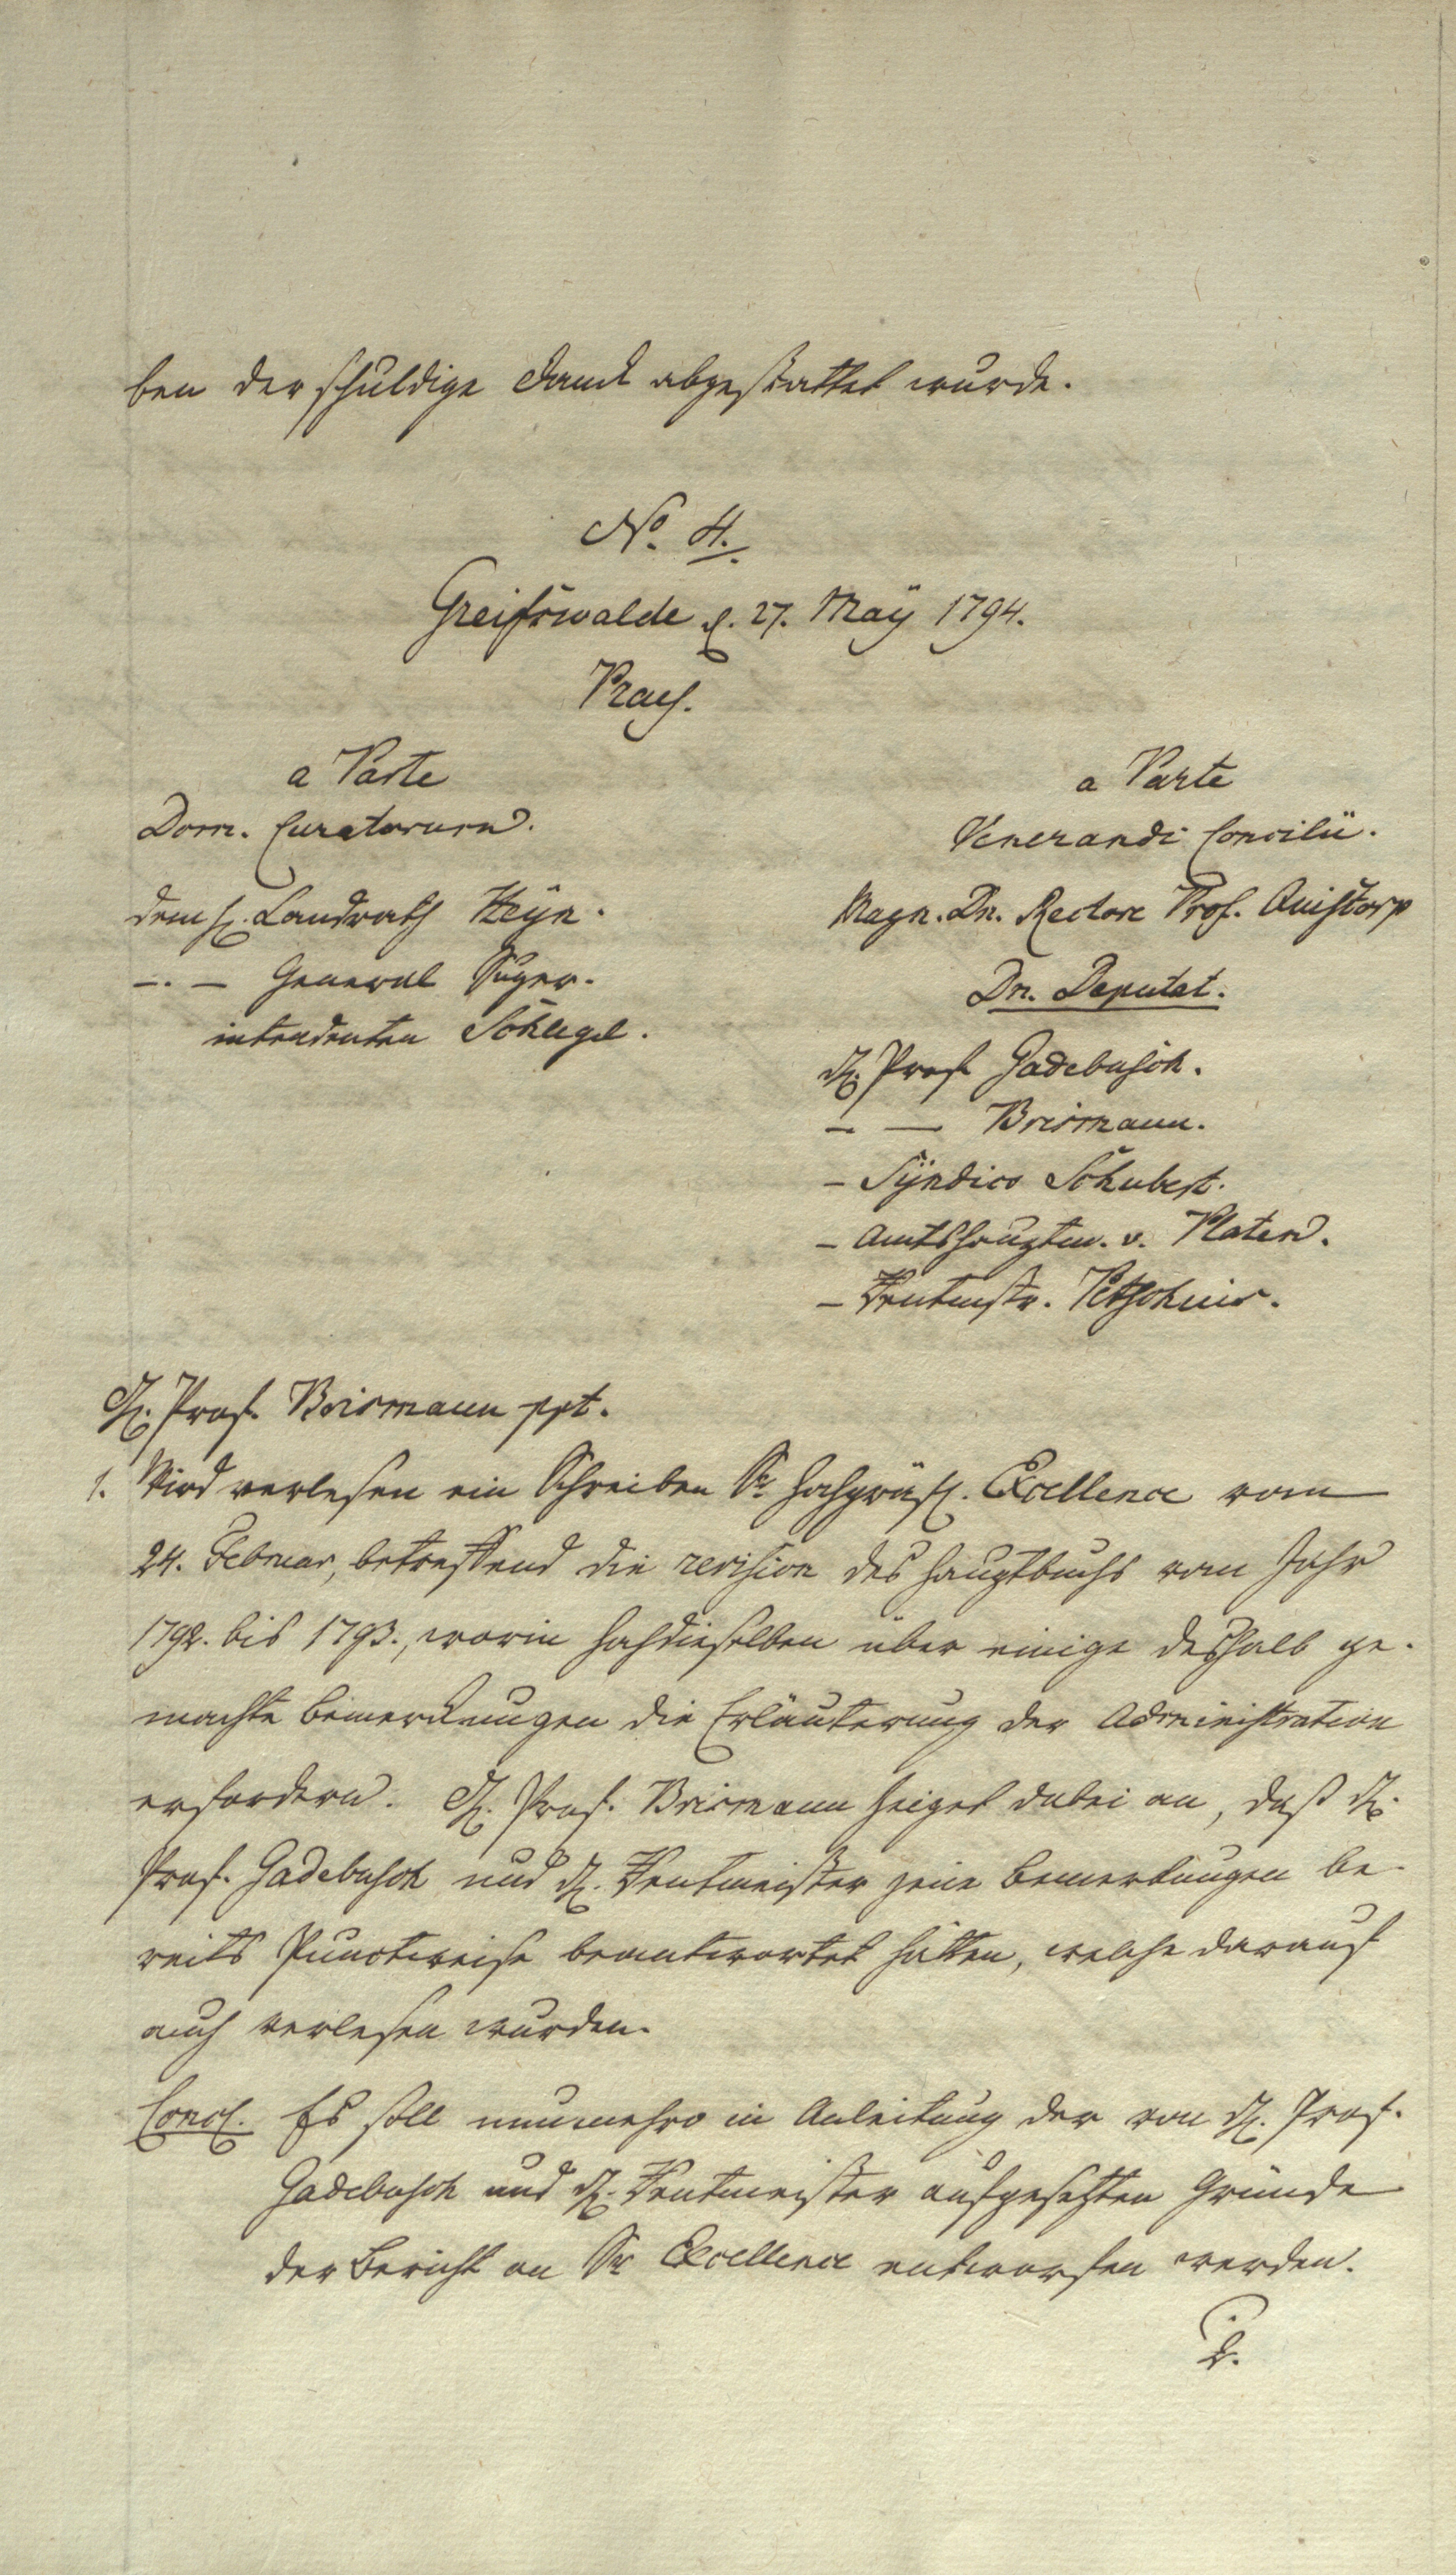ben der schuldige Dank abgestattet wurde.
No. 4./.
Greifswalde d. 27. May 1794.
Praes.
dh. Prof. Bismann ppt.
1. Wird verlesen ein Schreiben Sr. hochgräfl. Excellence vom
24. Februar, betreffend die revision des Hauptbuchs vom Jahr
1792 bis 1793, worin hochdieselben über einge deshalb ge¬
machte Bemerkungen die Erläuterung der Administration
erfordern. dh. Prof. Brismann zeiget dabei an, daß dh.
Prof. Gadebusch und dh. Rentmeister jene Bemerkungen be¬
reits Punctweise beantwortet hätten, welche darauf
auch verlesen wurden.
Concl. Es soll nunemehro in Anleitung der von dh. Prof.
Gadebusch und dh. Rentmeister aufgesetzten Gründe
der Bericht an Sr. Excellence entworfen werden
2.
a Partte
Dom. Curatorum
dem H. Landrath Heyn.
- " - General Super¬
intendenten Schlegel
a Parte
Venerandi Concilii.
Magn. Dn. Rectore Prof. Quistorp
Dn. Deputat.
dh. Prof. Gadebusch.
- - Brismann.
- Syndico Schubert.
- Amtshauptm. v. Platen.
- Rentmstr. Petschius.